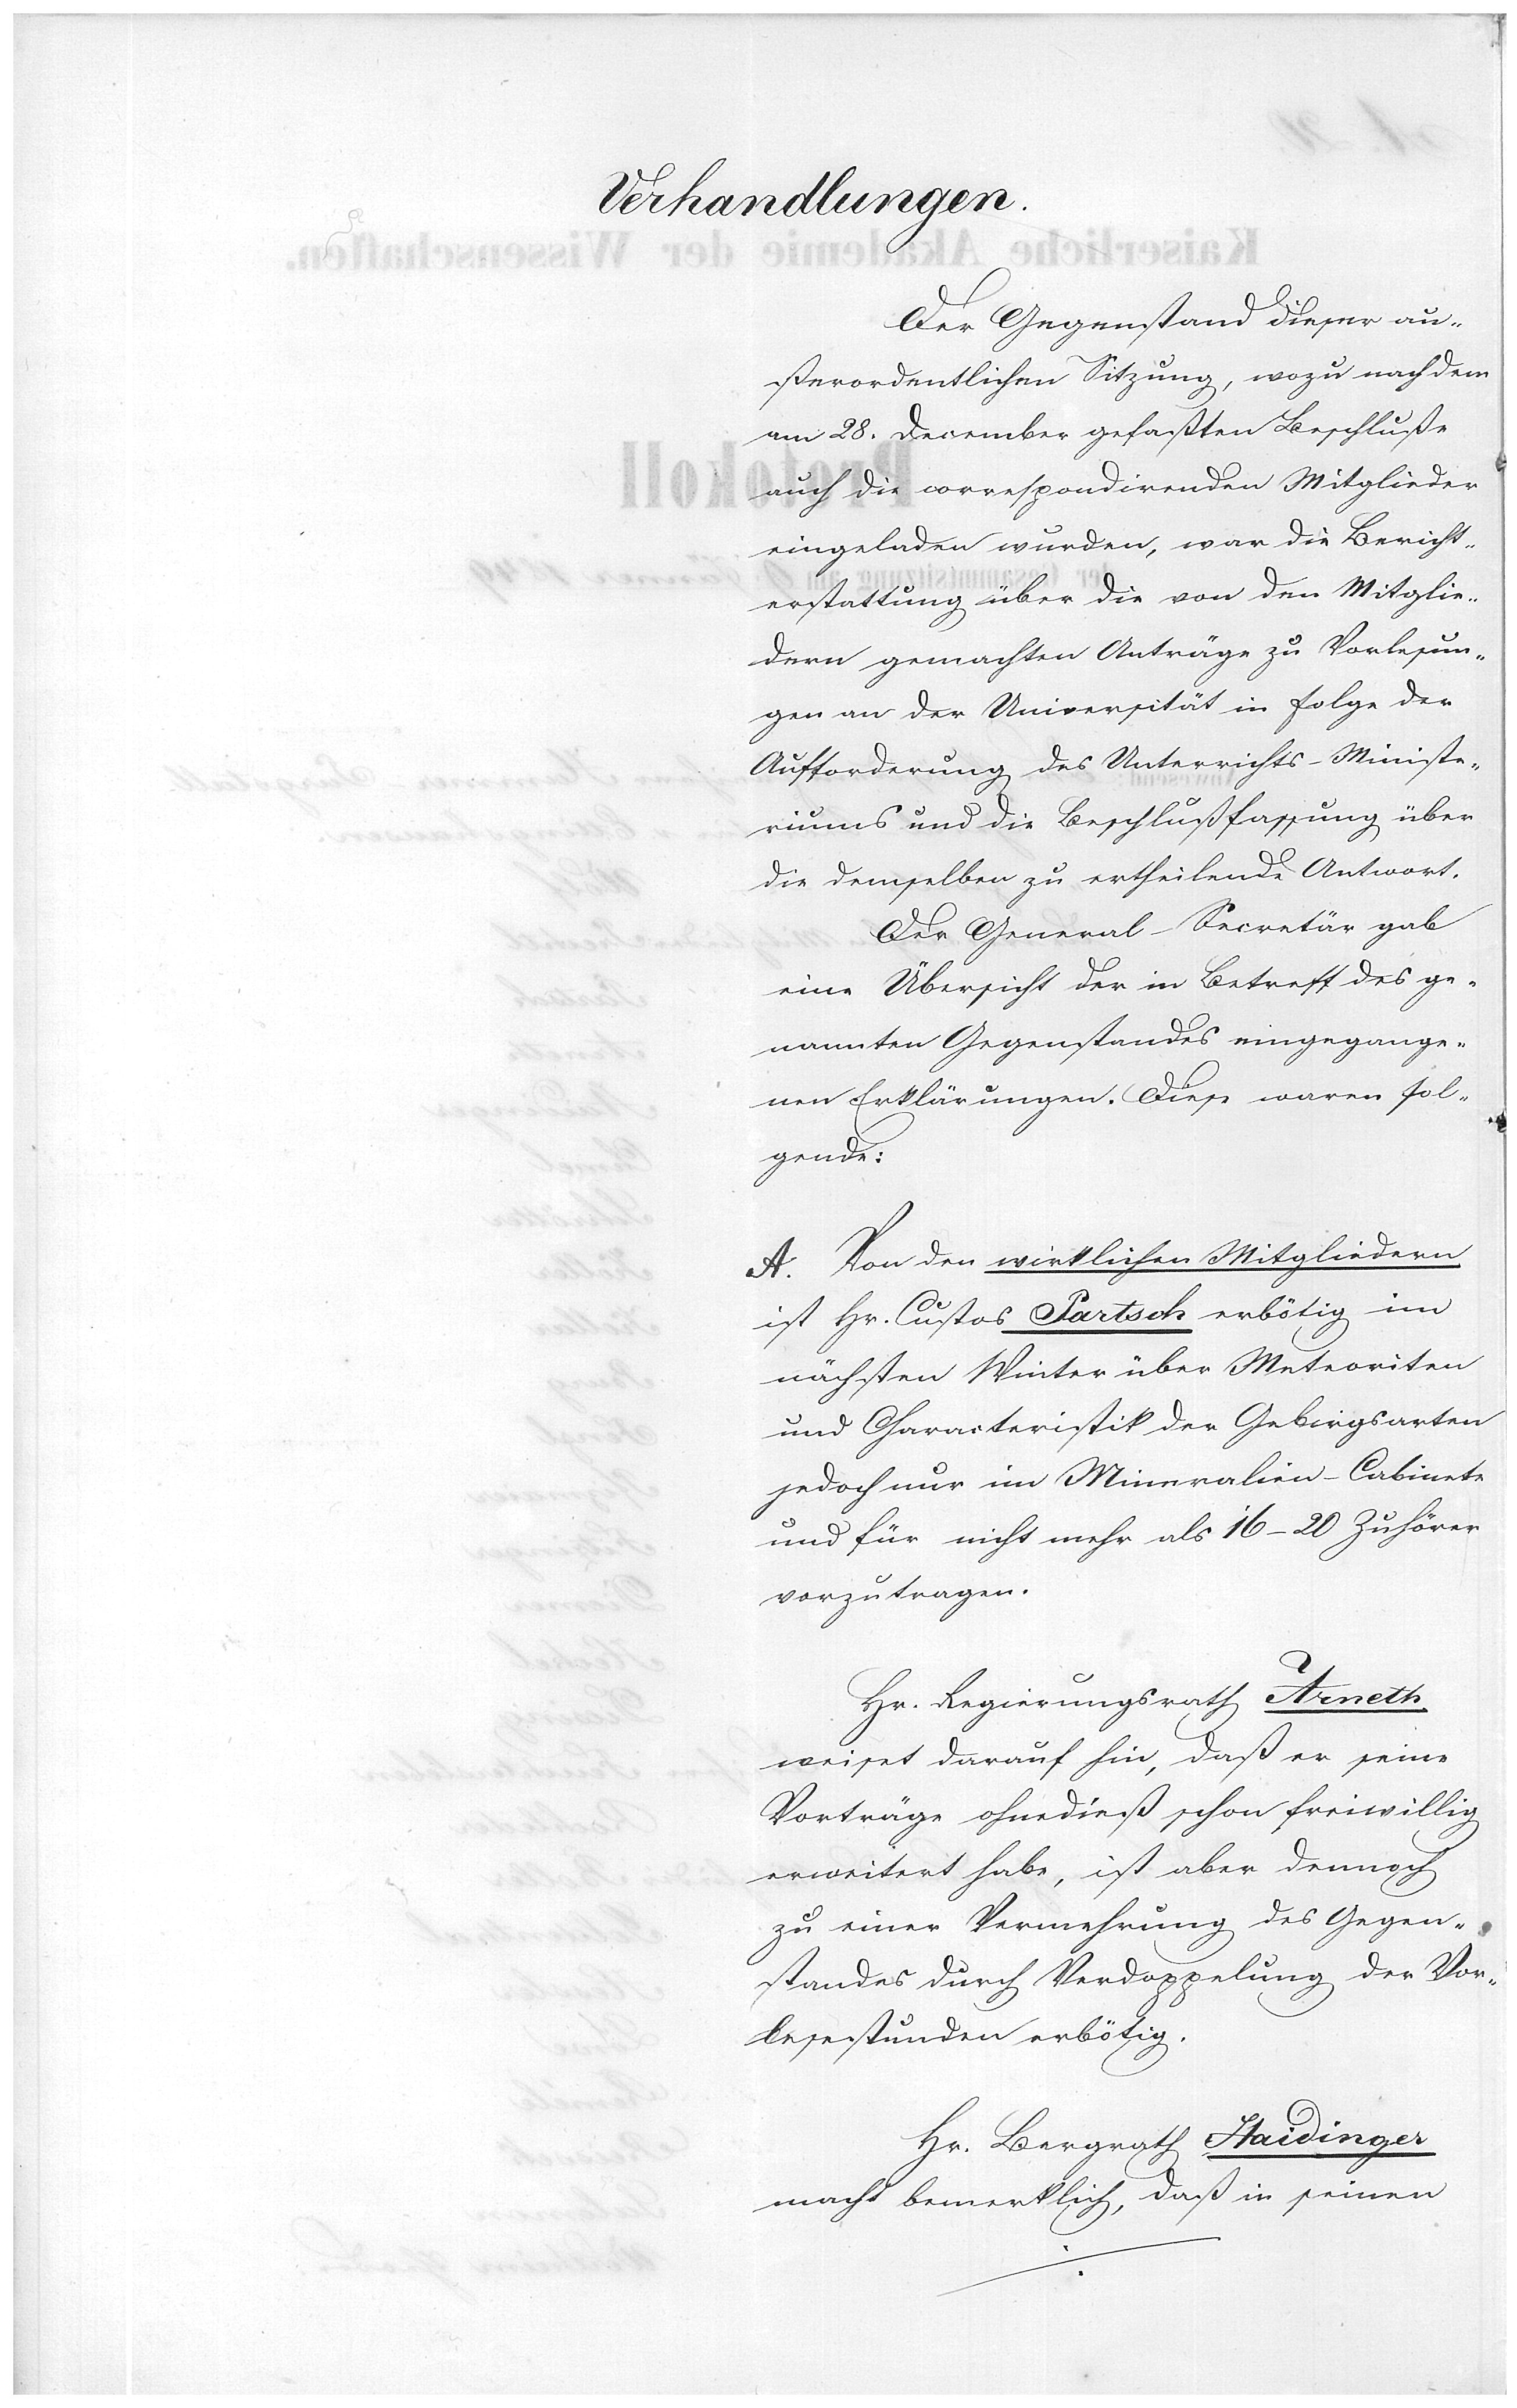Verhandlungen.
Der Gegenstand dieser au-
ßerordentlichen Sitzung, wozu nachdem
am 28. December gefaßten Beschluße
auch die correspondirenden Mitglieder
eingeladen wurden, war die Bericht-
erstattung über die von den Mitglied-
dern gemachten Anträge zu Vorlesun-
gen an der Universität in Folge der
Aufforderung des Unterrichts-Ministe-
riums und die Beschlußfassung über
die demselben zu ertheiltende Antwort.
Der General-Secretär gab
eine Übersicht der in Betreff des ge-
nannten Gegenstands eingegange-
nen Erklärungen. Diese waren fol-
gende:
A. Von den wirklichen Mitgliedern
ist Hr. Custos Partsch erbötig im
nächsten Winter über Meteoriten
und Characteristik der Gebirgsarten
jedoch nur im Mineralien-Cabinete
und für nicht mehr als 16-20 Zuhörer
vorzutragen.
Hr. Regierungsrath Arneth
weiset darauf hin daß er seine
Vorträge ohnedieß schon freiwillig
erweitert habe, ist aber dennoch
zu einer Vermehrung des Gegen-
standes durch Verdoppelung, der Vor-
lesestunden erbötig.
Hr. Bergrath Haidinger
macht bemerklich, daß in seinen